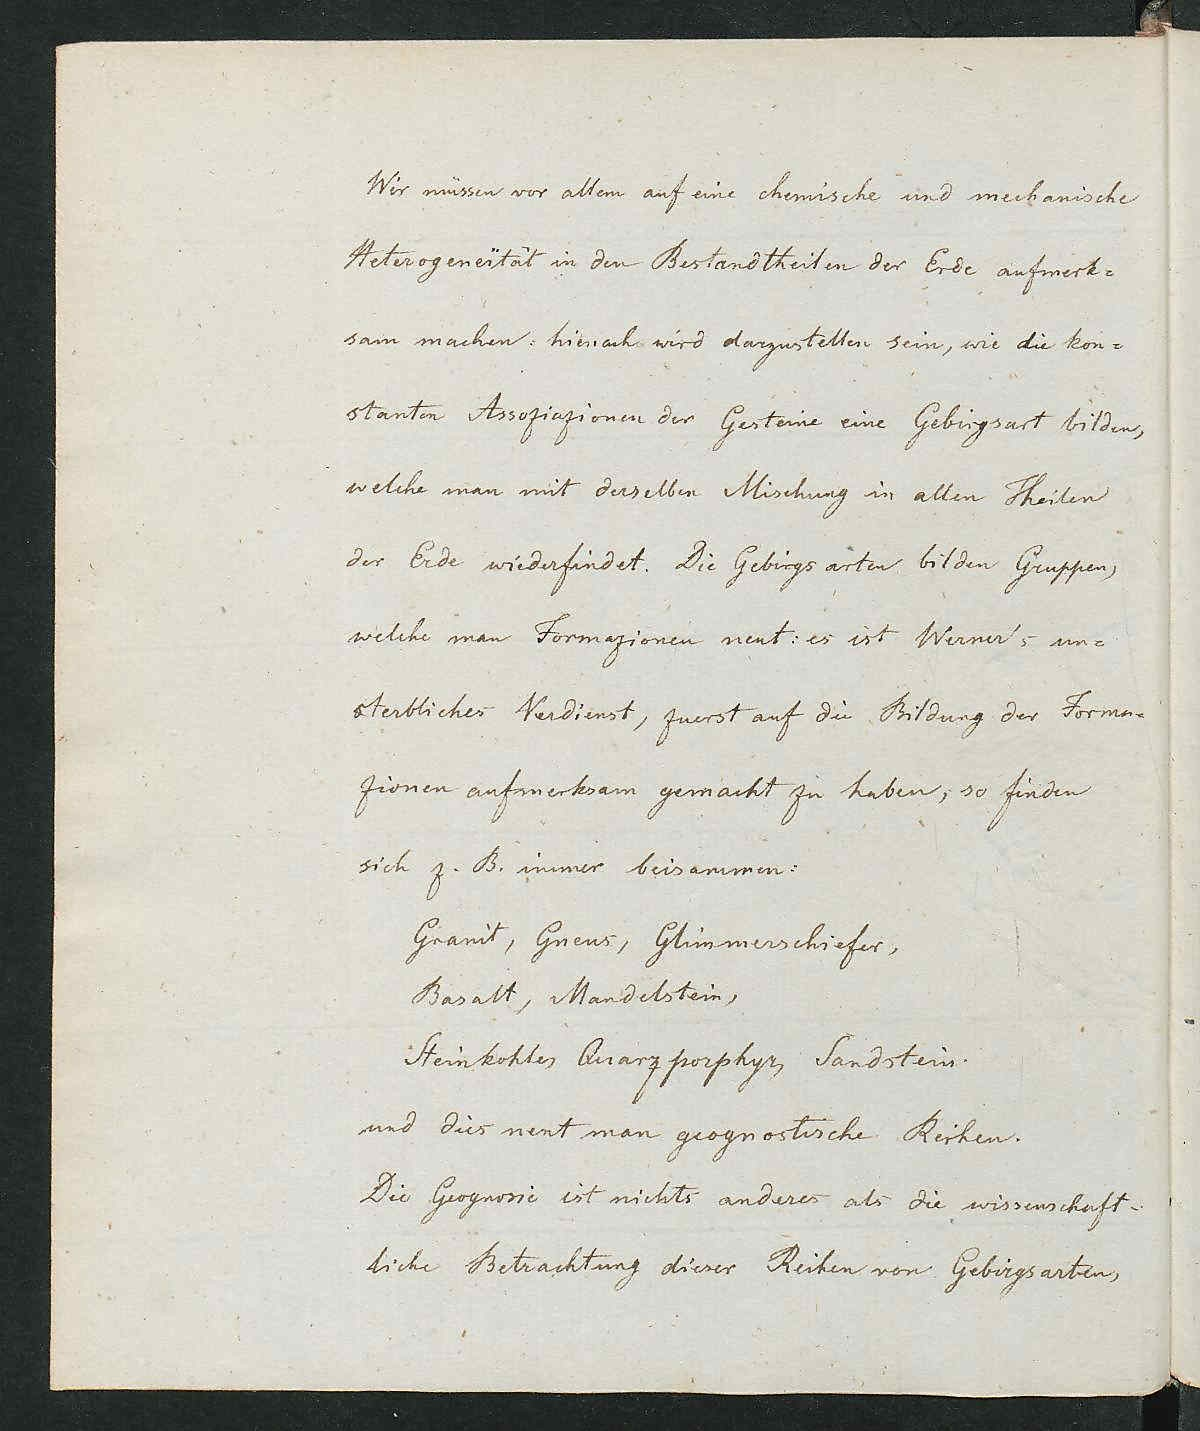Wir müssen vor allem auf eine chemische und mechanische
Heterogeneïtät in den Bestandtheilen der Erde aufmerk-
sam machen: hienach wird darzustellen sein, wie die kon-
stanten Assoziazionen der Gesteine eine Gebirgsart bilden,
welche man mit derselben Mischung in allen Theilen
der Erde wiederfindet. Die Gebirgsarten bilden Gruppen,
welche man Formazionen nent: es ist Werner's un-
sterbliches Verdienst, zuerst auf die Bildung der Forma-
zionen aufmerksam gemacht zu haben, so finden
sich z. B. immer beisammen:
Granit, Gneus, Glimmerschiefer,
Basalt, Mandelstein,
Steinkohle, Quarzporphyr, Sandstein.
und dies nent man geognostische Reihen.
Die Geognosie ist nichts anderes als die wissenschaft-
liche Betrachtung dieser Reihen von Gebirgsarten,